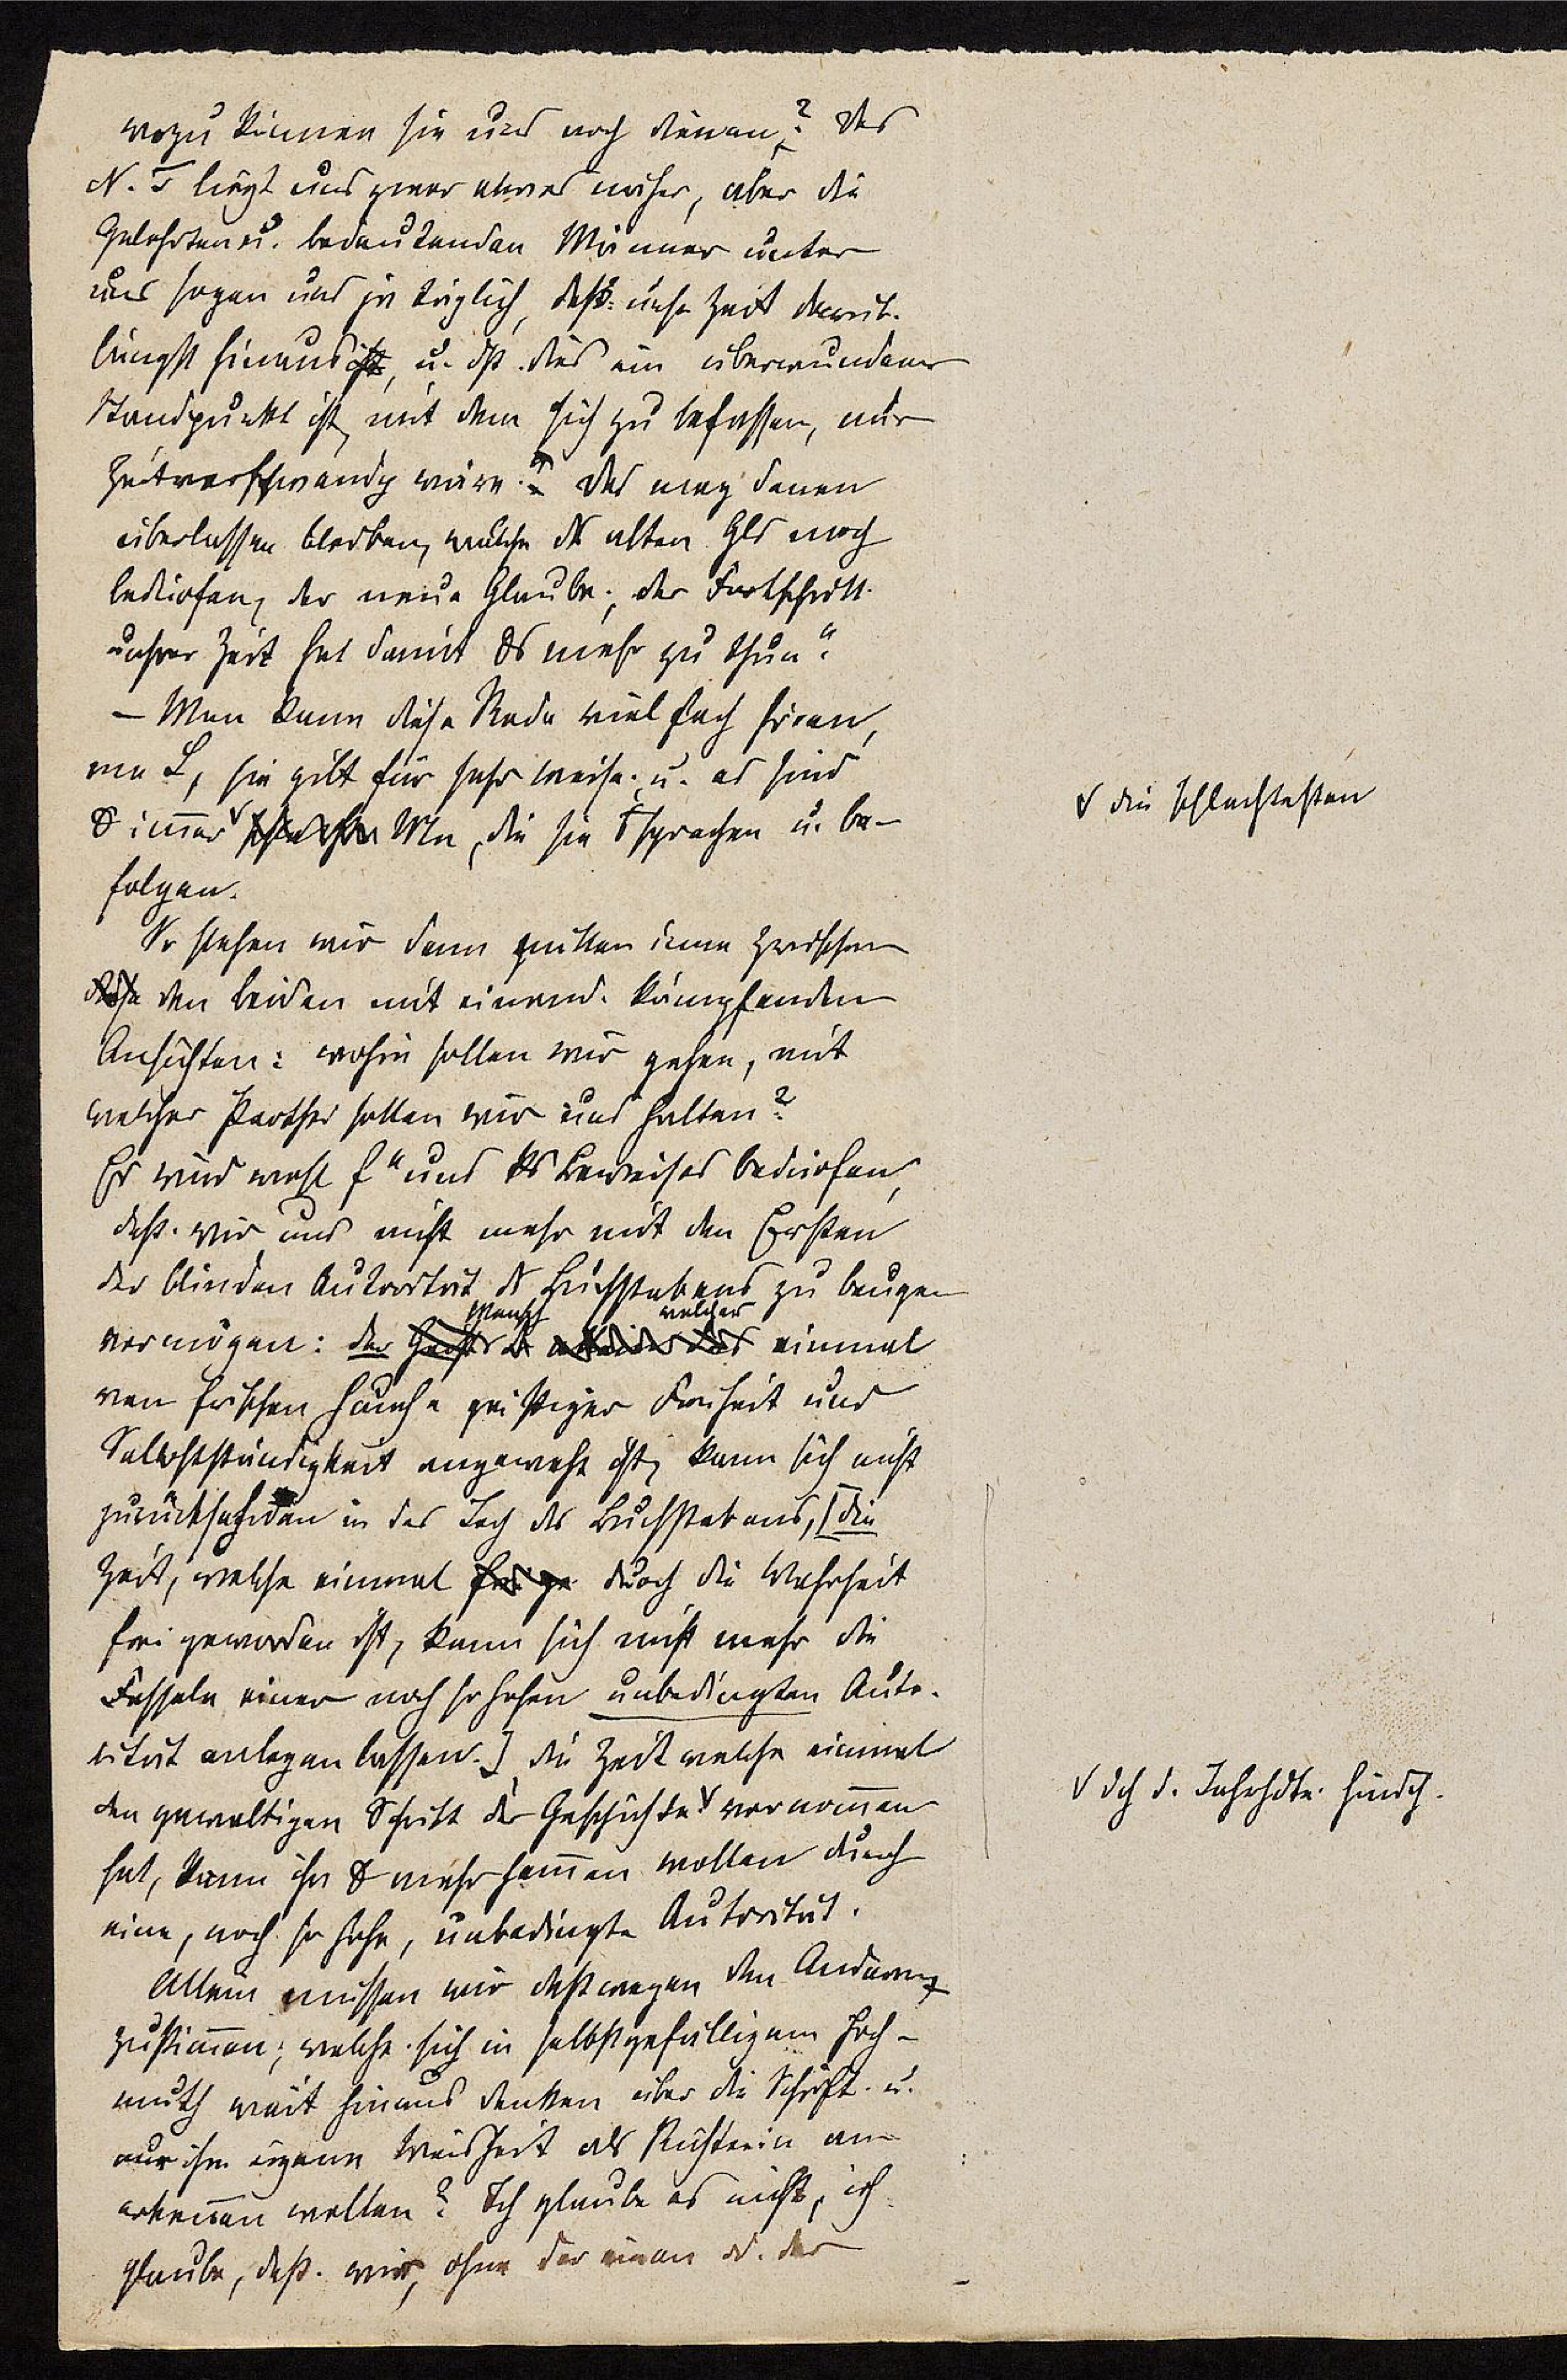wozu können sie uns noch dienen? Das
N.T liegt uns zwar etwas näher, aber die
Gelehrten u. bedeutenden Männer unter
uns sagen uns ja täglich, daß: unsr Zeit darüb.
längst hinaus ist u. dß dies ein überwundener
Standpunkt ist, mit dem sich zu befassen, nur
Zeitverschwendg wäre: Das mag denen
überlassen bleiben, welche ds alten Gls noch
bedürfen, der neue Glaube; der Fortschritt
unsrer Zeit hat damit os mehr zu thun.
_ Man Kann diese Rede vielfach hören,
mn L, sie gilt für sehr weise u. es sind
o imer schon ehe Mn, die sie ssprachen u. be¬
folgen.
So stehen wir dem mitten inne Zischen
dies den beiden miteinand. kämpfenden
Ansichten: wohin sollen wir gehen, mit
welcher Parthei sollen wir uns halten?
Es wird wohl fü uns ks Beweises bedürfen,
daß. wir uns nicht mehr mit den Ersten
der blinden Autorität ds Buchstabens zu beugen
welcher
Mensch
vermögen: der Geist dr allein dies eimmal
von frischen Hauche geistiger Freiheit und
Selbstständigkeit angeweht ist, kann sich nicht
zurücksehnen in das Joch des Buchstabens, [die
Zeit, welche einmal freige durch die Wahrheit
freigeworden ist, kann sich nicht mahr, die
Fesseln einer noch so hohen unbedingen Auto¬
rität anlegen lassen.] die Zeit welche einmal
den gewaltigen Schritt der Geschichte vernomen
hat, kann ihn o mehr hemen wollen durch
eine, noch so hohe, unbedingte Autorität.
Allein müssen wir deßwegen den Anderen
zustimen, welche sich in selbstgefälligem Hoch¬
muth weit hinaus denken über die Schrift u.
nur ihre eigene Weisheit als Richterin am
erkenen wollen? Ich glaube es nicht, ich
glaube, daß. wir, ohne der einen od. der
V die schlechtesten,
V dch d. Jahrhdte. hindch.